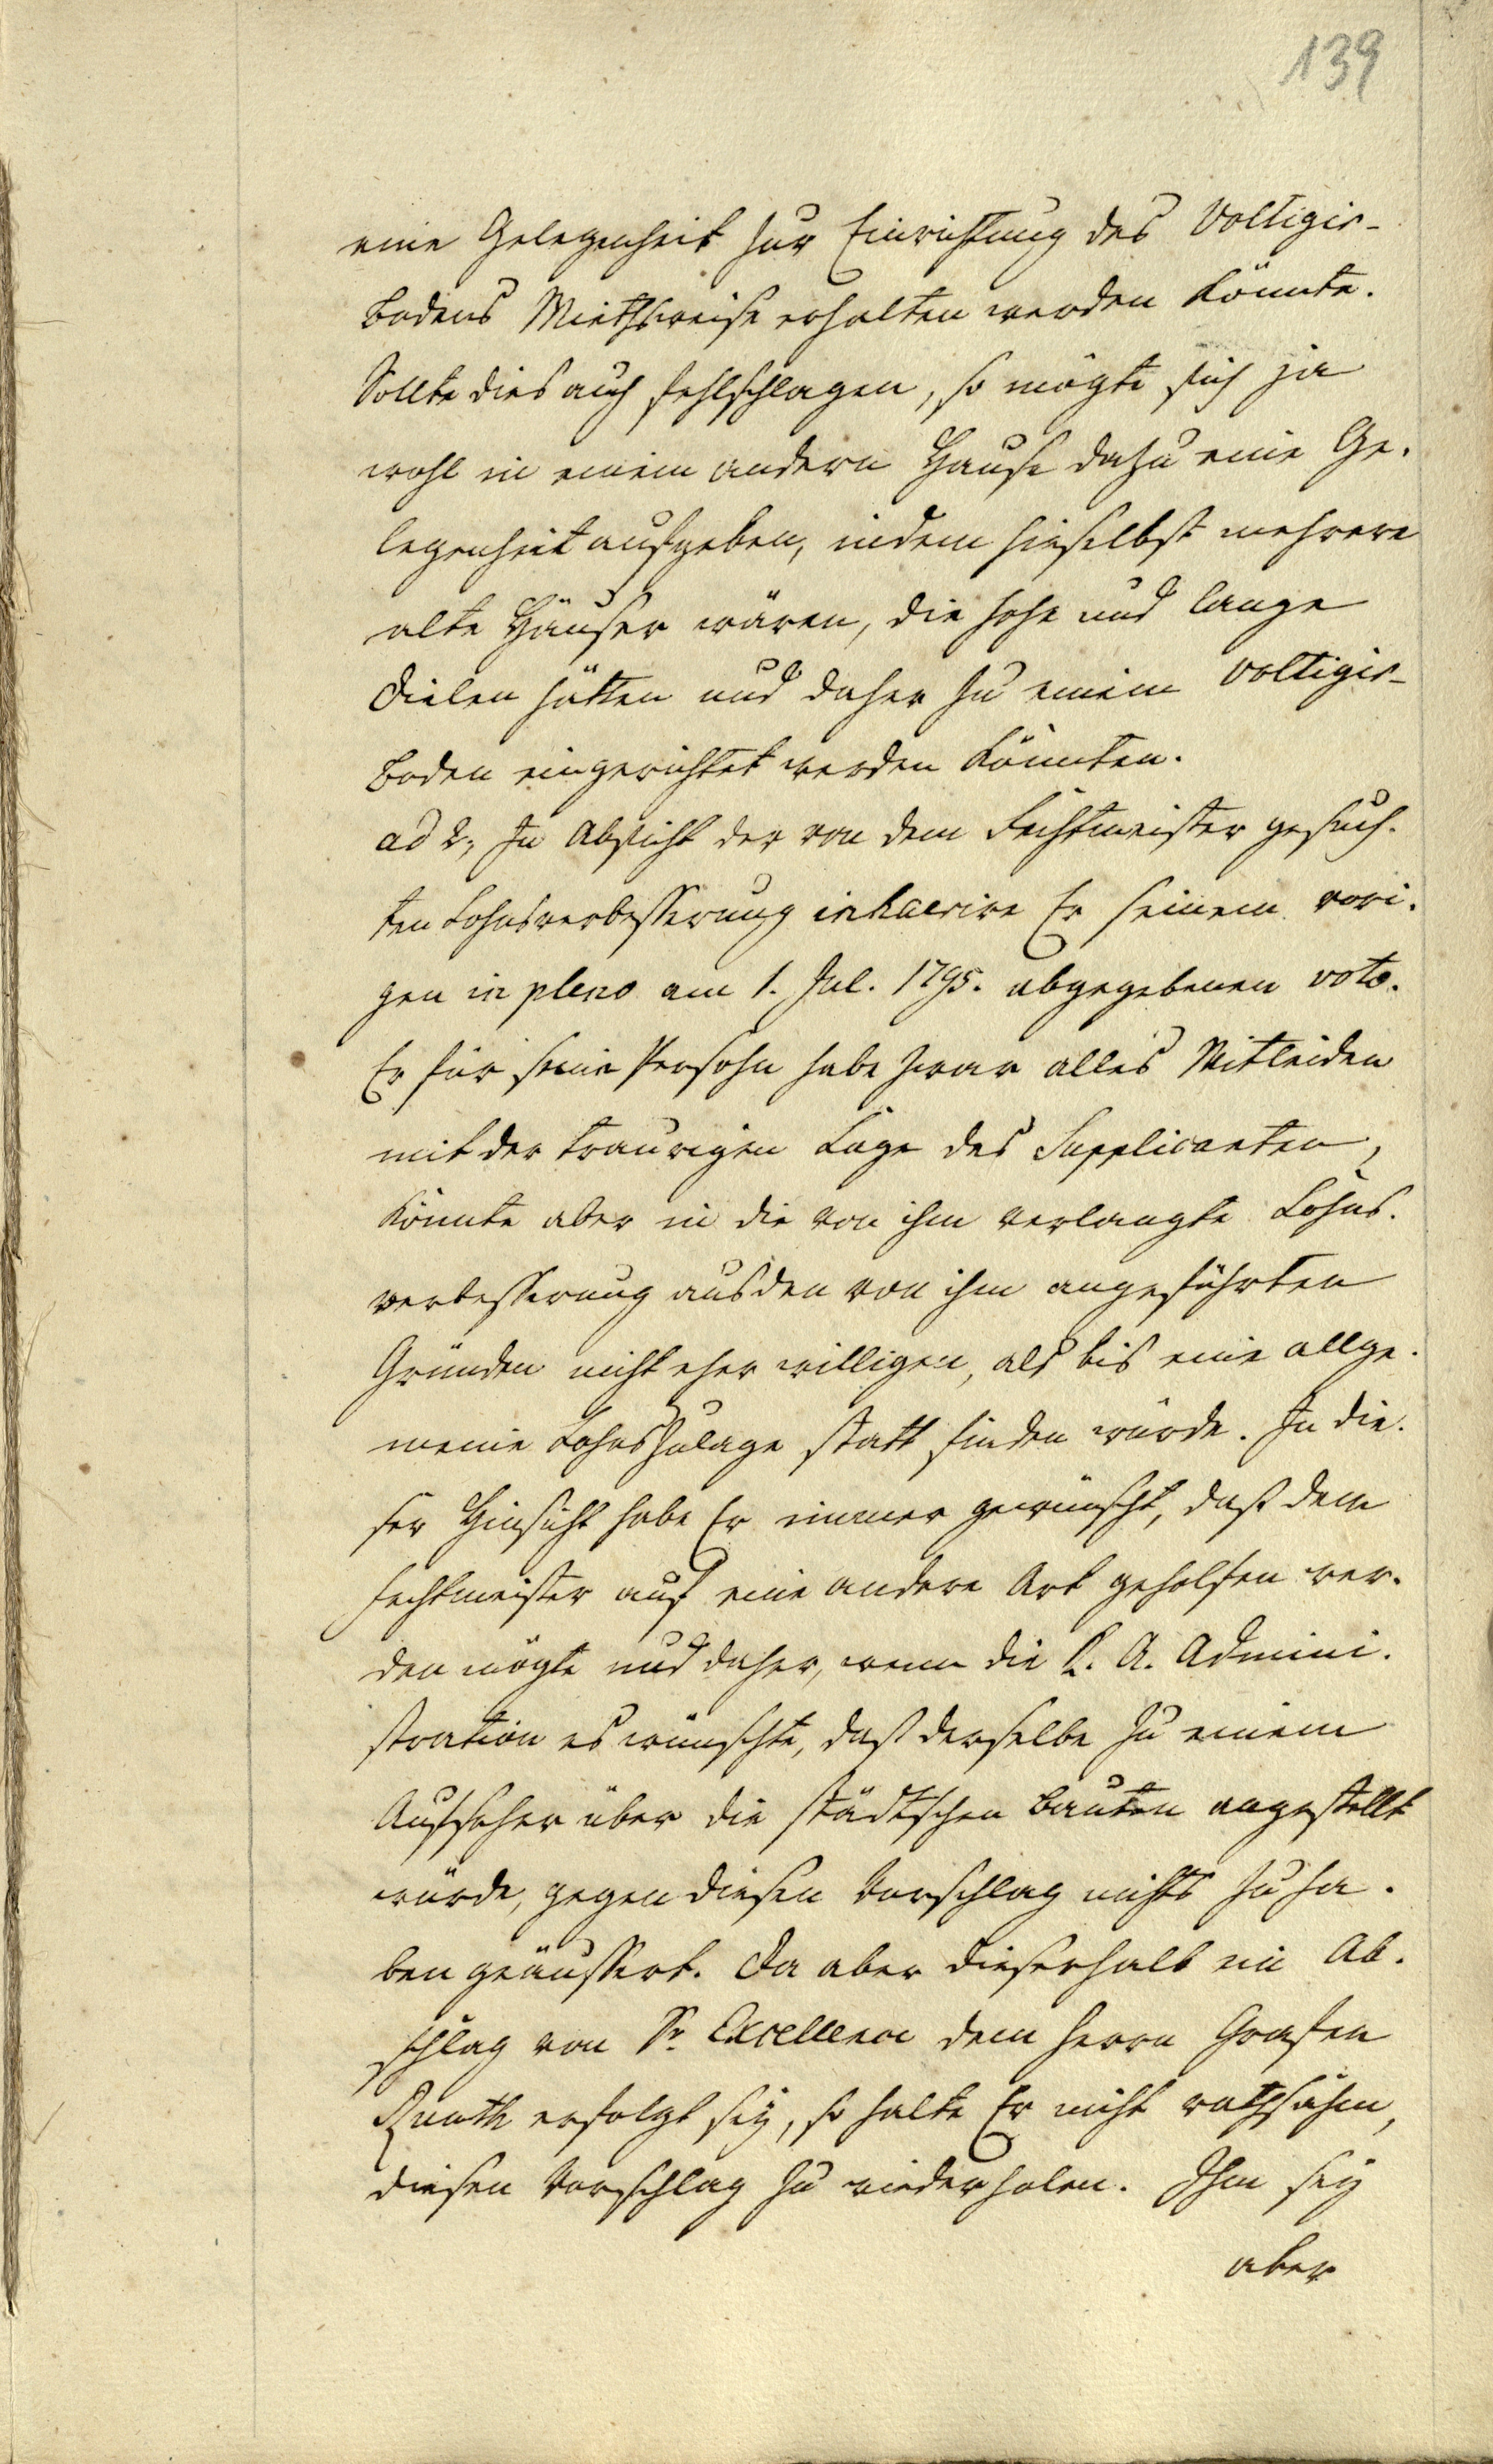eine Gelegenheit zur Einrichtung des Voltigir¬
Bodens Miethsweise erhalten werden könnte.
Sollte dies auch fehlschlagen, so mögte sich ja
wohl in einem andern Hause dazu eine Ge¬
legenheit aufgeben, indem hieselbst mehrere
alte Häuser wären, die hohe und lange
Dielen hätten und daher zu einem Voltigir¬
Boden eingerichtet werden könnten.
ad 2., In Absicht der von dem Fechtmeister gesuch¬
ten Lohnsverbesserung inhaerire Er seinem vori¬
gen in pleno am 1. Jul. 1795. abgegebenen voto.
Er für seine Persohn habe zwar alles Mitleiden
mit der traurigen Lage des Supplicanten,
könnte aber in die von ihm verlangte Lohns¬
verbesserung aus den von ihm angeführten
Gründen nicht eher willigen, als bis eine allge¬
meine Lohnszulage statt finden würde. In die¬
ser Hinsicht habe Er immer gewünscht, daß dem
Fechtmeister auf eine andere Art geholfen wer¬
den mögte und daher, wenn die K. A. Admini¬
stration es wünschte, daß derselbe zu einem
Aufseher über die städtischen Bauten angestellt
würde, gegen diesen Vorschlag nichts zu ha¬
ben geäussert. Da aber dieserhalb ein Ab¬
schlag von Sr Excellence dem Herrn Grafen
Ruuth erfolgt seÿ, so halte Er nicht rathsahm,
diesen Vorschlag zu wiederholen. Ihm seÿ
aber